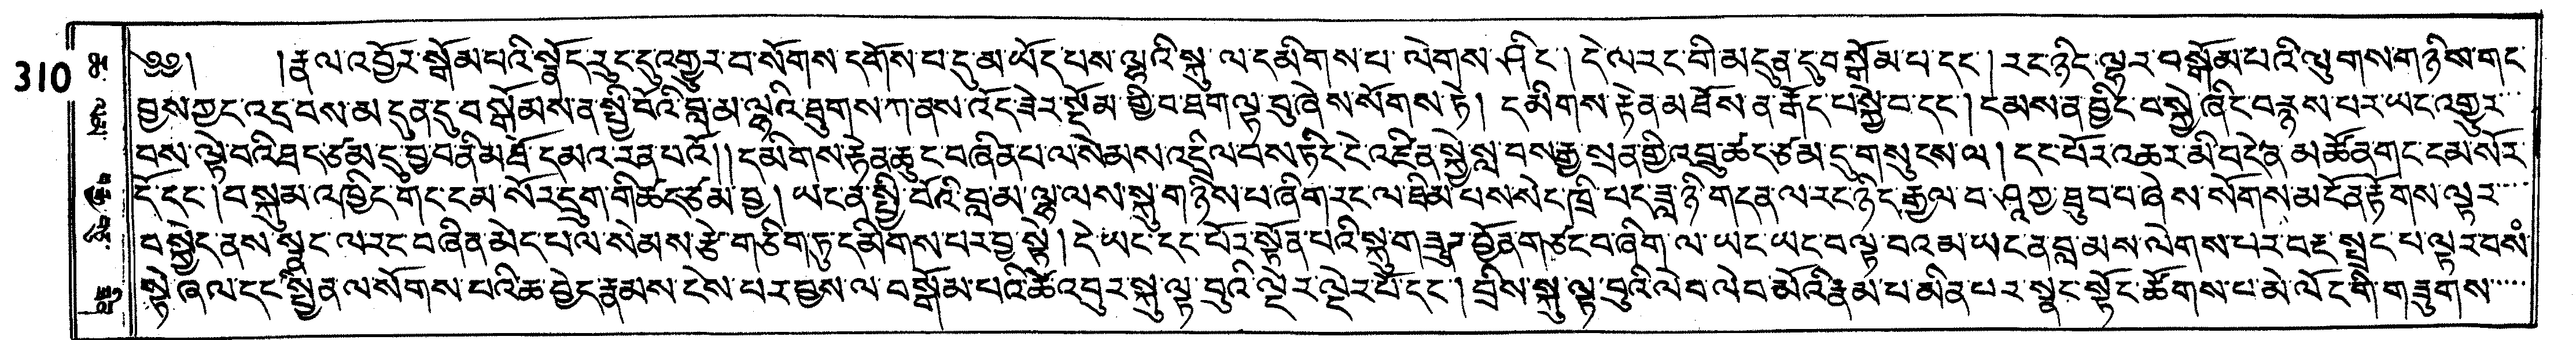༄༅། །རྣལ་འབྱོར་སྒོམ་པའི་སྣོད་རུང་དུ་འགྱུར་བ་སོགས་དགོས་པ་དུ་མ་ཡོད་པས་ལྷའི་སྐུ་ལ་དམིགས་པ་ལེགས་ཤིང་། དེ་ལ་རང་གི་མདུན་དུ་བསྒོམ་པ་དང་། རང་ཉིད་ལྷར་བསྒོམ་པའི་ལུགས་གཉིས་གང་
བྱས་ཀྱང་འདྲ་བས་མདུན་དུ་བསྒོམས་ན་སྤྱི་བོའི་བླ་མ་ལྷའི་ཐུགས་ཀ་ནས་འོད་ཟེར་སྡོམ་གྱི་བ་ཐག་ལྟ་བུ་ཞེས་སོགས་ཏེ། དམིགས་རྟེན་མཐོས་ན་རྒོད་པ་སྐྱེ་བ་དང་། དམས་ན་བྱིང་བ་སྐྱེ་ཞིང་བརྙས་པར་ཡང་འགྱུར་
བས་ལྟེ་བའི་ཐད་ཙམ་དུ་བྱ་བ་ནི་མཐོ་དམའ་རན་པའོ། །དམིགས་རྟེན་ཆུང་བཞིན་པ་ལ་སེམས་འདྲིལ་བས་ཏིང་ངེ་འཛིན་སྐྱེ་སླ་བས་རྒྱ་སྲན་གྱི་འབྲུ་ཚད་ཙམ་དུ་གསུངས་ལ། དང་པོར་འཆར་མི་བདེན་མཚོན་གང་ངམ་སོར་
དོ་དང་། བསྐུམ་འཁྱིད་གང་ངམ་སོར་དྲུག་གི་ཚང་ཙམ་བྱ། ཡང་ན་སྤྱི་བོའི་བླ་མ་ལྷ་ལས་སྐུ་གཉིས་པ་ཞིག་རང་ལ་ཐིམ་པས་སེང་ཁྲི་པད་ཟླ་ཉི་གདན་ལ་རང་ཉིད་རྒྱལ་བ་ཤཱཀྱ་ཐུབ་པ་ཞེས་སོགས་མངོན་རྟོགས་ལྟར་
བསྐྱེད་ནས་སྣང་ལ་རང་བཞིན་མེད་པ་ལ་སེམས་རྩེ་གཅིག་ཏུ་དམིགས་པར་བྱ་སྟེ། དེ་ཡང་དང་པོར་སྟོན་པའི་སྐུ་གཟུགས་བྱོན་གཙང་བ་ཞིག་ལ་ཡང་ཡང་བལྟ་བའམ་ཡང་ན་བླ་མས་ལེགས་པར་བརྡ་སྤྲད་པ་ལྟར་བསམ་
སྟེ་ཞལ་དང་སྤྱིན་ལ་སོགས་པའི་ཆ་བྱེད་རྣམས་ངེས་པར་བྱས་ལ་བསྒོམ་པའི་ཚེ་འབུར་སྐུ་ལྟ་བུའི་ལྡེར་ལྡེར་པོ་དང་། བྲིས་སྐུ་ལྟ་བུའི་ལེབ་ལེབ་མོའི་རྣམ་པ་མིན་པར་སྣང་སྟོང་ཚོགས་པ་མེ་ལོང་གི་གཟུགས་